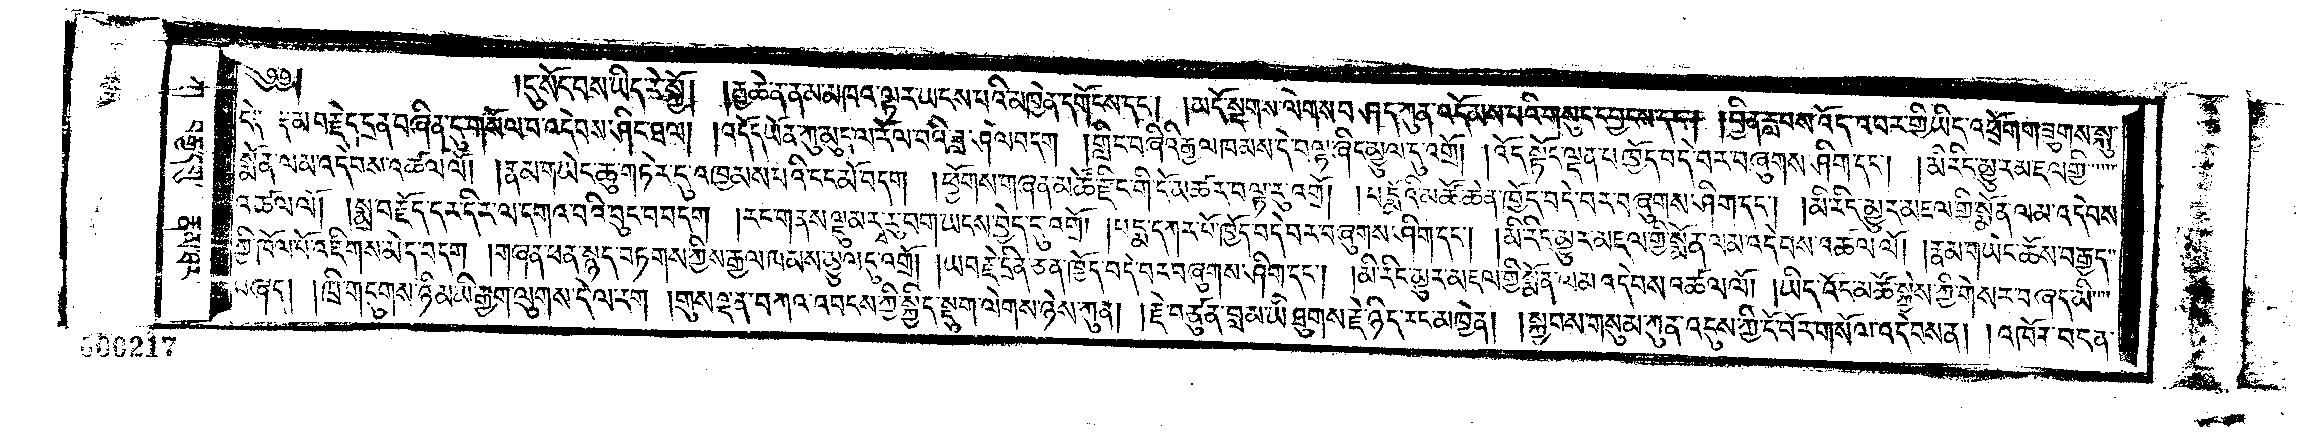༄༅། །དུ་སོང་བས་ཡིད་རེ་སྐྱོ། །རྒྱ་ཆེན་ནམ་མཁའ་ལྟར་ཡངས་པའི་མཁྱེན་དགོངས་དང་། །མདོ་སྔགས་ལེགས་བཤད་ཀུན་འདོམས་པའི་གསུང་དབྱངས་དང་། །བྱིན་རླབས་འོད་འབར་གྱི་ཡིད་འཕྲོག་གཟུགས་སྐུ་
དེ༑ ༑མ་བརྗེད་དྲན་བཞིན་དུ་གསོལ་བ་འདེབས་ཤིང་ཐལ། །འདོད་ཡོན་ཀུ་མུད་ལ་རོལ་པའི་ཟླ་ཤེལ་བདག །གླིང་བཞིའི་རྒྱལ་ཁམས་དེ་བལྟ་ཞིང་མྱུལ་དུ་འགྲོ། །འོད་སྟོང་ལྡན་པ་ཁྱོད་བདེ་བར་བཞུགས་ཤིག་དང་། །མི་རིང་མྱུར་མཇལ་གྱི་
སྨོན་ལམ་འདེབས་འཚལ་ལོ། །རྣམ་གཡེང་ཆུ་གཏེར་དུ་འཁྱམས་པའི་ངང་མོ་བདག །ཕྱོགས་གཞན་མཚོ་རྫིང་གི་ངོ་མཚར་བལྟ་རུ་འགྲོ། །པདམོའི་མཚོ་ཆེན་ཁྱོད་བདེ་བར་བཞུགས་ཤིག་དང་། །མི་རིང་མྱུར་མཇལ་གྱི་སྨོན་ལམ་འདེབས་
འཚལ་ལོ། །སྨྲ་བརྗོད་དར་དིར་ལ་དགའ་བའི་བུང་བ་བདག །རང་གནས་ལྡུམ་རྭ་རུ་བག་ཡངས་བྱེད་དུ་འགྲོ། །པདམ་དཀར་པོ་ཁྱོད་བདེ་བར་བཞུགས་ཤིག་དང་། །མི་རིང་མྱུར་མཇལ་གྱི་སྨོན་ལམ་འདེབས་འཚལ་ལོ། །རྣམ་གཡེང་ཆོས་བརྒྱད་
ཀྱི་ཁོལ་པོ་འཇིགས་མེད་བ་དག །གཞན་ཕན་སྙད་བཏགས་ཀྱིས་རྒྱལ་ཁམས་མྱུལ་དུ་འགྲོ། །ཡབ་རྗེ་དྲིན་ཅན་ཁྱོད་བདེ་བར་བཞུགས་ཤིག་དང་། །མི་རིང་མྱུར་མཇལ་གྱི་སྨོན་ལམ་འདེབས་འཚལ་ལོ། །ཡིད་འོང་མཚོ་སྐྱེས་ཀྱི་གེ་སར་བཞད་མི་
བཞད། །ཁྲི་གདུགས་ཉི་མ་ཡི་རྒྱག་ལུགས་དེ་ལ་རག །གུས་ལྡན་བཀའ་འབངས་ཀྱི་སྐྱིད་སྡུག་ལེགས་ཉེས་ཀུན། །རྗེ་བཙུན་བླ་མ་ཡི་ཐུགས་རྗེ་ཉིད་རང་མཁྱེན། །སྐྱབས་གསུམ་ཀུན་འདུས་ཀྱི་ངོ་བོར་གསོལ་འདེབས་ན། །འཁོར་བ་ངན་